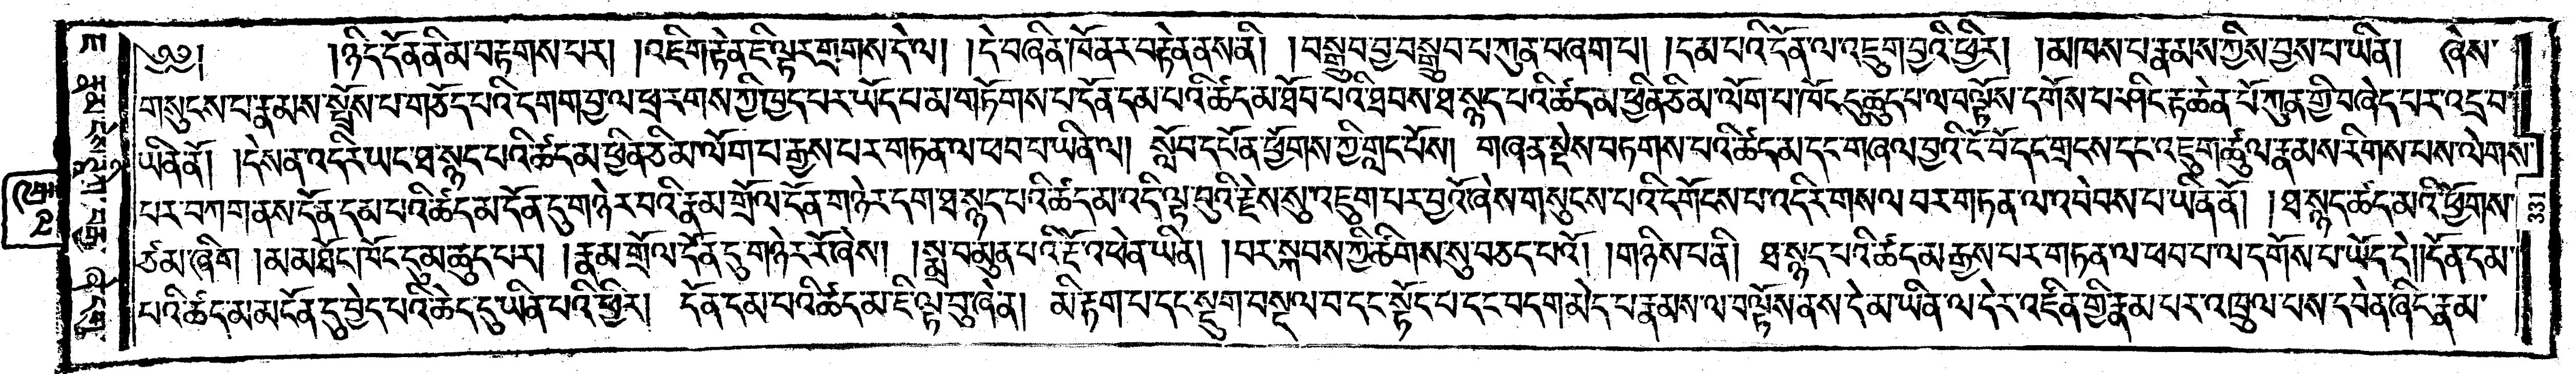༄༅། །ཉིད་དོན་ནི་མ་བརྟགས་པར། །འཇིག་རྟེན་ཇི་ལྟར་གྲགས་དེ་ལ། །དེ་བཞིན་ཁོ་ནར་བརྟེན་ནས་ནི། །བསྒྲུབ་བྱ་བསྒྲུབ་པ་ཀུན་བཞག་པ། །དམ་པའི་དོན་ལ་འཇུག་བྱའི་ཕྱིར། །མཁས་པ་རྣམས་ཀྱིས་བྱས་པ་ཡིན། ཞེས་
གསུངས་པ་རྣམས་སྤྲོས་པ་གཅོད་པའི་དགག་བྱ་ལ་ཕྲ་རགས་ཀྱི་ཁྱད་པར་ཡོད་པ་མ་གཏོགས་པ་དོན་དམ་པའི་ཚད་མ་ཐོབ་པའི་ཐབས་ཐ་སྙད་པའི་ཚད་མ་ཕྱིན་ཅི་མ་ལོག་པ་ཁོང་དུ་ཆུད་པ་ལ་བལྟོས་དགོས་པ་ཤིང་རྟ་ཆེན་པོ་ཀུན་གྱི་བཞེད་པར་འདྲ་བ་
ཡིན་ནོ། །དེས་ན་འདིར་ཡང་ཐ་སྙད་པའི་ཚད་མ་ཕྱིན་ཅི་མ་ལོག་པ་རྒྱས་པར་གཏན་ལ་ཕབ་པ་ཡིན་ལ། སློབ་དཔོན་ཕྱོགས་ཀྱི་གླང་པོས། གཞན་སྡེས་བཏགས་པའི་ཚད་མ་དང་གཞལ་བྱའི་ངོ་བོ་དང་གྲངས་དང་འཇུག་ཚུལ་རྣམས་རིགས་པས་ལེགས་
པར་བཀག་ནས་དོན་དམ་པའི་ཚད་མ་དོན་དུ་གཉེར་བའི་རྣམ་གྲོལ་དོན་གཉེར་དག་ཐ་སྙད་པའི་ཚད་མ་འདི་ལྟ་བུའི་རྗེས་སུ་འཇུག་པར་བྱའོ་ཞེས་གསུངས་པའི་དགོངས་པ་འདིར་གསལ་བར་གཏན་ལ་འབེབས་པ་ཡིན་ནོ། །ཐ་སྙད་ཚད་མའི་ཕྱོགས་
ཙམ་ཞིག །མ་མཐོང་ཁོང་དུ་མ་ཆུད་པར། །རྣམ་གྲོལ་དོན་དུ་གཉེར་རོ་ཞེས། །སྨྲ་བ་མུན་པའི་རྔོ་འཕེན་ཡིན། །བར་སྐབས་ཀྱི་ཚིགས་སུ་བཅད་པའོ། །གཉིས་པ་ནི། ཐ་སྙད་པའི་ཚད་མ་རྒྱས་པར་གཏན་ལ་ཕབ་པ་ལ་དགོས་པ་ཡོད་དེ། །དོན་དམ་
པའི་ཚད་མ་མངོན་དུ་བྱེད་པའི་ཆེད་དུ་ཡིན་པའི་ཕྱིར། དོན་དམ་པའི་ཚད་མ་ཇི་ལྟ་བུ་ཞེ་ན། མི་རྟག་པ་དང་སྡུག་བསྔལ་བ་དང་སྟོང་པ་དང་བདག་མེད་པ་རྣམས་ལ་བལྟོས་ནས་དེ་མ་ཡིན་ལ་དེར་འཛིན་གྱི་རྣམ་པར་འཁྲུལ་པས་དབེན་ཞིང་རྣམ་